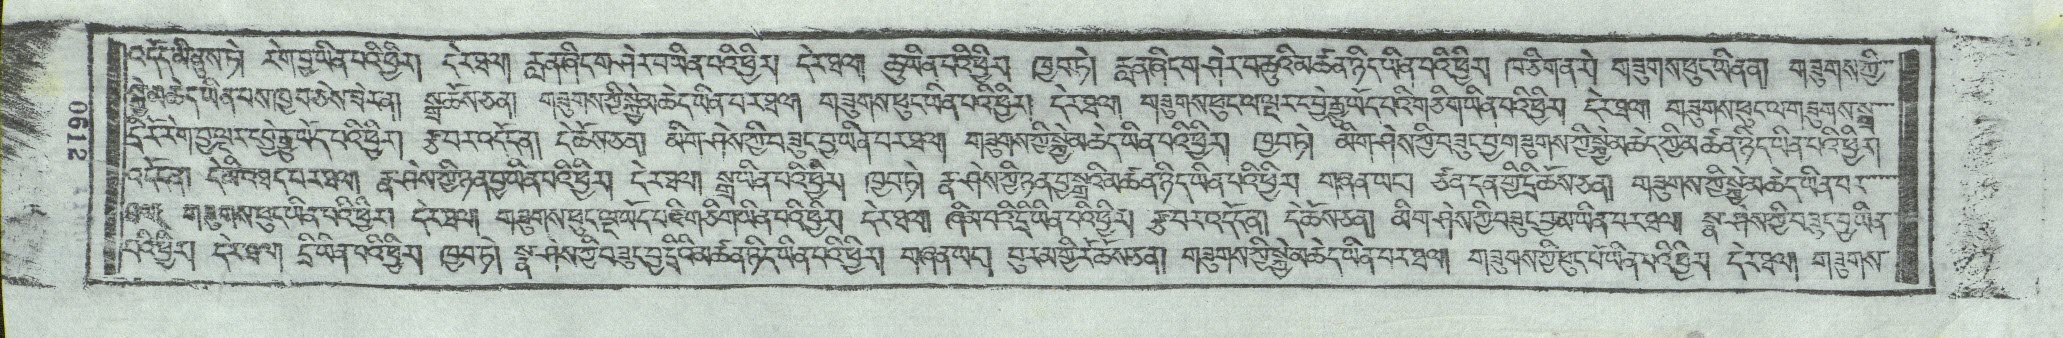འདོད་མི་ནུས་ཏེ། རེག་བྱ་ཡིན་པའི་ཕྱིར། དེར་ཐལ། རླན་ཞིང་གཤེར་བ་ཡིན་པའི་ཕྱིར། དེར་ཐལ། ཆུ་ཡིན་པའི་ཕྱིར། ཁྱབ་ཏེ། རླན་ཞིང་གཤེར་བ་ཆུའི་མཚན་ཉིད་ཡིན་པའི་ཕྱིར། ཁ་ཅིག་ན་རེ། གཟུགས་ཕུང་ཡིན་ན། གཟུགས་ཀྱི་
སྐྱེ་མཆེད་ཡིན་པས་ཁྱབ་ཅེས་ཟེར་ན། སྒྲ་ཆོས་ཅན། གཟུགས་ཀྱི་སྐྱེ་མཆེད་ཡིན་པར་ཐལ། གཟུགས་ཕུང་ཡིན་པའི་ཕྱིར། དེར་ཐལ། གཟུགས་ཕུང་ལ་ལྔར་དབྱེ་རྒྱུ་ཡོད་པའི་གཅིག་ཡིན་པའི་ཕྱིར། དེར་ཐལ། གཟུགས་ཕུང་ལ་གཟུགས་སྒྲ་
དྲི་རོ་རེག་བྱ་ལྔར་དབྱེ་རྒྱུ་ཡོད་པའི་ཕྱིར། རྩ་བར་འདོད་ན། དེ་ཆོས་ཅན། མིག་ཤེས་ཀྱི་བཟུང་བྱ་ཡིན་པར་ཐལ། གཟུགས་ཀྱི་སྐྱེ་མཆེད་ཡིན་པའི་ཕྱིར། ཁྱབ་ཏེ། མིག་ཤེས་ཀྱི་བཟུང་བྱ་གཟུགས་ཀྱི་སྐྱེ་མཆེད་ཀྱི་མཚན་ཉིད་ཡིན་པའི་ཕྱིར།
འདོད་ན། དེ་མི་འཐད་པར་ཐལ། རྣ་ཤེས་ཀྱི་ཉན་བྱ་ཡིན་པའི་ཕྱིར། དེར་ཐལ། སྒྲ་ཡིན་པའི་ཕྱིར། ཁྱབ་ཏེ། རྣ་ཤེས་ཀྱི་ཉན་བྱ་སྒྲའི་མཚན་ཉིད་ཡིན་པའི་ཕྱིར། གཞན་ཡང་། ཙན་དང་གྱི་དྲི་ཆོས་ཅན། གཟུགས་ཀྱི་སྐྱེ་མཆེད་ཡིན་པར་
ཐལ༑ གཟུགས་ཕུང་ཡིན་པའི་ཕྱིར། དེར་ཐལ། གཟུགས་ཕུང་ལྔ་ཡོད་པའི་གཅིག་ཡིན་པའི་ཕྱིར། དེར་ཐལ། ཞིམ་པའི་དྲི་ཡིན་པའི་ཕྱིར། རྩ་བར་འདོད་ན། དེ་ཆོས་ཅན། མིག་ཤེས་ཀྱི་བཟུང་བྱ་མ་ཡིན་པར་ཐལ། སྣ་ཤེས་ཀྱི་བཟུང་བྱ་ཡིན་
པའི་ཕྱིར། དེར་ཐལ། དྲི་ཡིན་པའི་ཕྱིར། ཁྱབ་ཏེ། སྣ་ཤེས་ཀྱི་བཟུང་བྱ་དྲིའི་མཚན་ཉིད་ཡིན་པའི་ཕྱིར། གཞན་ཡང་། བུ་རམ་གྱི་རོ་ཆོས་ཅན། གཟུགས་ཀྱི་སྐྱེ་མཆེད་ཡིན་པར་ཐལ། གཟུགས་ཀྱི་ཕུང་པོ་ཡིན་པའི་ཕྱིར། དེར་ཐལ། གཟུགས་